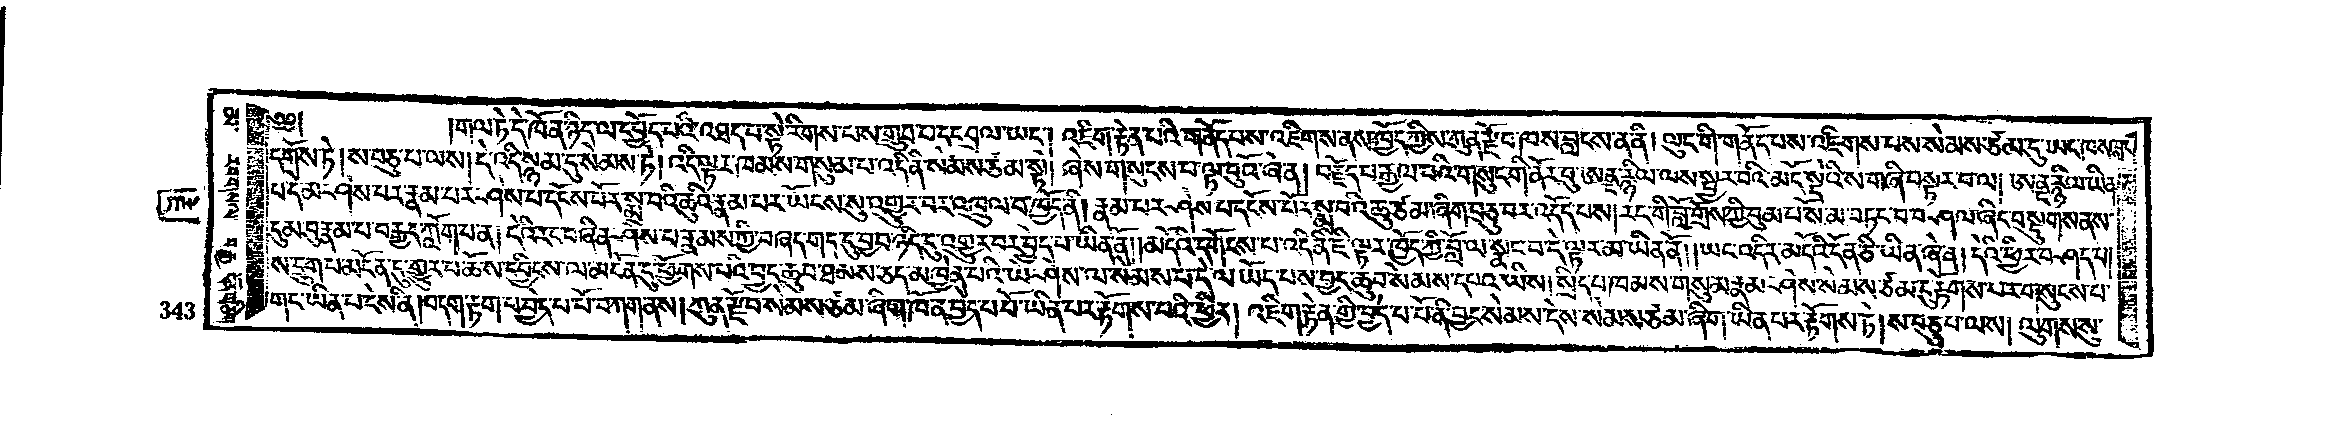༄༅། །གལ་ཏེ་དེ་ཁོ་ན་ཉིད་ལ་དྶྤྱོད་པའི་འཐད་པ་སྟེ་རིགས་པས་གྲུབ་པ་དང་བྲལ་ཡང་། འཇིག་རྟེན་པའི་གནོད་པས་འཇིགས་ནས་ཁྱོད་ཀྱིས་ཀུན་རྫོབ་ཁས་བླངས་ན་ནི། ལུང་གི་གནོད་པས་འཇིགས་པས་སེམས་ཙམ་དུ་ཡང་ཁས་བླང་
དགོས་ཏེ། ས་བཅུ་པ་ལས། དེ་འདི་སྙམ་དུ་སེམས་ཏེ། འདི་ལྟར་ཁམས་གསུམ་པོ་འདི་ནི་སེམས་ཙམ་སྟེ། ཞེས་གསུངས་པ་ལྟ་བུའོ་ཞེ་ན། བརྗོད་པ་རྒྱལ་བའི་གསུང་གི་ནོར་བུ་ཨནྡ་རྙིལ་ལས་སྦྱར་བའི་མདོ་སྡེའི་ས་གཞི་བསྟར་བ་ལ། ཨནྡ་རྙིལ་ཡིན་
པ་དེ་མ་ཤེས་པར་རྣམ་པར་ཤེས་པ་དངོས་པོར་སྨྲ་བའི་ཆུའི་རྣམ་པར་ཡོངས་སུ་འགྱུར་བར་འཁྲུལ་བ་ཁྱོད་ནི། རྣམ་པར་ཤེས་པ་དངོས་པོར་སྨྲ་བའི་ཆུ་ཙམ་ཞིག་བཅུ་བར་འདོད་པས། རང་གི་བློ་གྲོས་ཀྱི་བུམ་པ་སོ་མ་བཏང་བ་བཤལ་ཞིང་བསྡུགས་ནས་
དུམ་བུ་རྣམ་པ་བརྒྱར་ཀློག་པ་ན། དེའི་རང་བཞིན་ཤེས་པ་རྣམས་ཀྱི་བཞད་གད་དུ་བྱ་བ་ཉིད་དུ་འགྱུར་བར་བྱེད་པ་ཡིན་ནོ། །མདོའི་དགོངས་པ་འདི་ནི་ཇི་ལྟར་ཁྱོད་ཀྱི་བློ་ལ་སྣང་བ་དེ་ལྟར་མ་ཡིན་ནོ། །ཡང་འདིར་མདོའི་དོན་ཅི་ཡིན་ཞེ་ན། དེའི་ཕྱིར་བཤད་པ།
ས་དྲུག་པ་མངོན་དུ་གྱུར་པ་ཆོས་དབྱིངས་ལ་མངོན་དུ་ཕྱོགས་པའི་བྱང་ཆུབ་ཐམས་ཅད་མཁྱེན་པའི་ཡེ་ཤེས་ལ་སེམས་པ་དེ་ལ་ཡོད་པས་བྱང་ཆུབ་སེམས་དཔའ་ཡིས། སྲིད་པ་ཁམས་གསུམ་རྣམ་ཤེས་སེམས་ཙམ་དུ་རྟོགས་པར་གསུངས་པ་
གང་ཡིན་པ་དེས་ནི། བདག་རྟག་པ་བྱེད་པ་པོ་བཀག་ནས། ཀུན་རྫོབ་སེམས་ཙམ་ཞིག་ཁོ་ན་བྱེད་པ་པོ་ཡིན་པར་རྟོགས་པའི་ཕྱིར། འཇིག་རྟེན་གྱི་བྱེད་པ་པོ་ནི་བྱང་སེམས་དེས་སེམས་ཙམ་ཞིག་ཡིན་པར་རྟོགས་ཏེ། ས་བཅུ་པ་ལས། ལུགས་སུ་